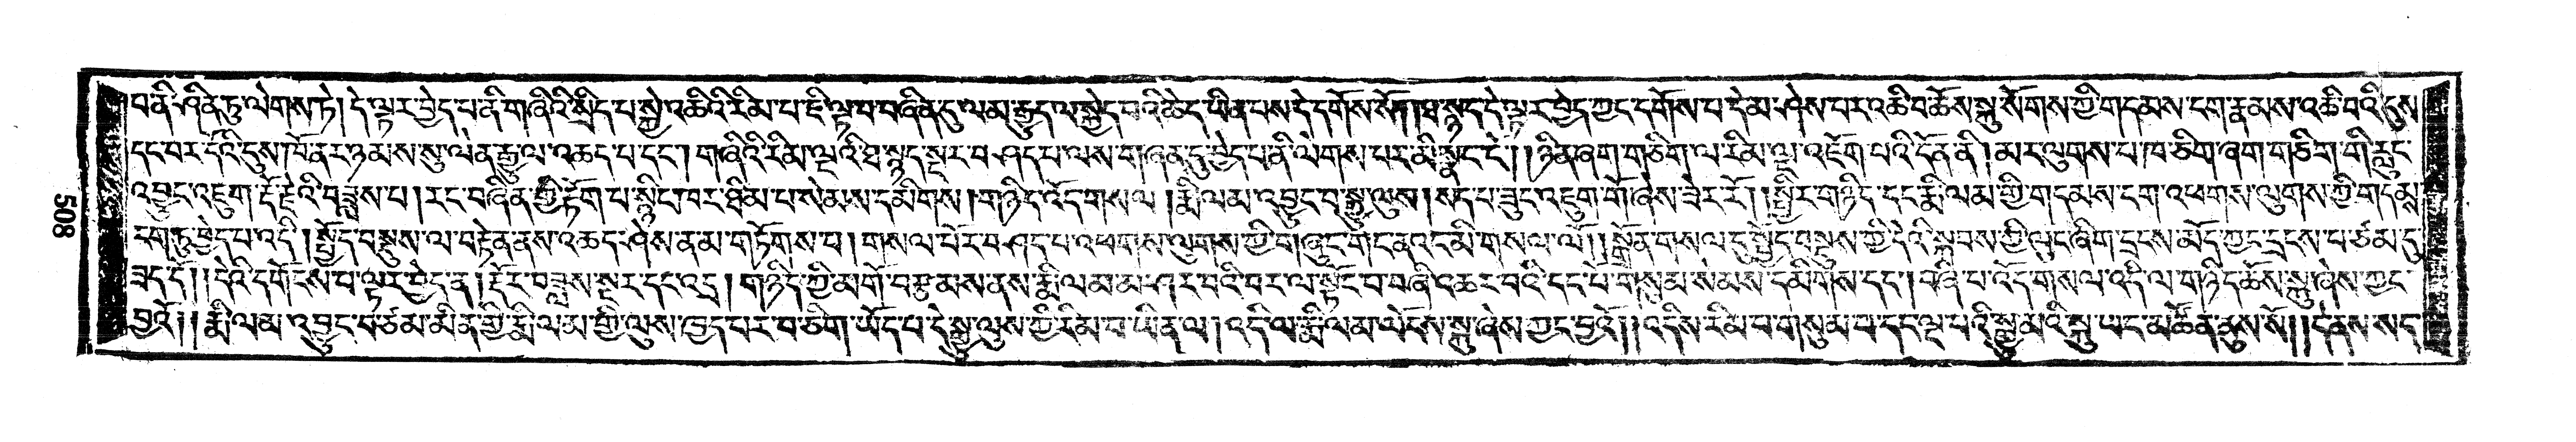པ་ནི་ཤིན་ཏུ་ལེགས་ཏེ། དེ་ལྟར་བྱེད་པ་ནི་གཞིའི་སྲིད་པ་སྐྱེ་འཆིའི་རིམ་པ་ཇི་ལྟ་བ་བཞིན་དུ་ལམ་རྒྱུད་ལ་སྐྱེད་པའི་ཆེད་ཡིན་པས་དེ་དགོས་སོ། །ཐ་སྙད་དེ་ལྟར་བྱེད་ཀྱང་དགོས་པ་དེ་མ་ཤེས་པར་འཆི་བ་ཆོས་སྐུ་སོགས་ཀྱི་གདམས་ངག་རྣམས་འཆི་བའི་དུས་
དང་བར་དོའི་དུས་ཁོ་ནར་ཉམས་སུ་ལེན་རྒྱུ་ལ་འཆད་པ་དང་། གཞིའི་རིམ་ལྔའི་ཐ་སྙད་སྔར་བཤད་པ་ལས་གཞན་དུ་བྱེད་པ་ནི་ལེགས་པར་མི་སྣང་ངོ། །ཉིན་ཞག་གཅིག་ལ་རིམ་ལྔ་འཇོག་པའི་དོན་ནི། མར་ལུགས་པ་ཁ་ཅིག་ཞག་གཅིག་གི་རླུང་
འབྱུང་འཇུག་རྡོ་རྗེའི་བཟླས་པ། རང་བཞིན་གྱི་རྟོག་པ་སྙིང་ཁར་ཐིམ་པ་སེམས་དམིགས། གཉིད་འོད་གསལ། རྨི་ལམ་འབྱུང་བ་སྒྱུ་ལུས། སད་པ་ཟུང་འཇུག་གོ་ཞེས་ཟེར་རོ། །སྤྱིར་གཉིད་དང་རྨི་ལམ་གྱི་གདམས་ངག་འཕགས་ལུགས་ཀྱི་གདམས་
ངག་ཏུ་བྱེད་པ་འདི། སྤྱོད་བསྡུས་ལ་བརྟེན་ནས་འཆད་ཤེས་ན་མ་གཏོགས་པ། གསལ་པོར་བཤད་པ་འཕགས་ལུགས་ཀྱི་གཞུང་གང་ནའང་མི་གསལ་ལོ། །སྒྲོན་གསལ་དུ་སྤྱོད་བསྡུས་ཀྱི་དེའི་སྐབས་ཀྱི་ལུང་ཞིག་དྲངས་མོད་ཀྱང་དྲངས་པ་ཙམ་དུ་
ཟད་དོ། །དེའི་དགོངས་པ་ལྟར་བྱེད་ན། རྡོར་བཟླས་སྔར་དང་འདྲ། གཉིད་ཀྱི་མགོ་བརྩམས་ནས་རྨི་ལམ་མ་ཤར་བའི་བར་ལ་སྟོང་པ་བཞི་འཆར་བའི་དང་པོ་གསུམ་སེམས་དམིགས་དང་། བཞི་པ་འོད་གསལ་འདི་ལ་གཉིད་ཆོས་སྐུ་ཞེས་ཀྱང་
བྱའོ། །རྨི་ལམ་འབྱུང་བ་ཙམ་མིན་གྱི་རྨི་ལམ་གྱི་ལུས་ཁྱད་པར་བ་ཅིག་ཡོད་པ་དེ་སྒྱུ་ལུས་ཀྱི་རིམ་པ་ཡིན་ལ། འདི་ལ་རྨི་ལམ་ལོངས་སྐུ་ཞེས་ཀྱང་བྱའོ། །འདིས་རིམ་པ་གསུམ་པ་དང་ལྔ་པའི་སྒྱུ་མའི་སྐུ་ཡང་མཚོན་ནུས་སོ། །དེ་ནས་སད་